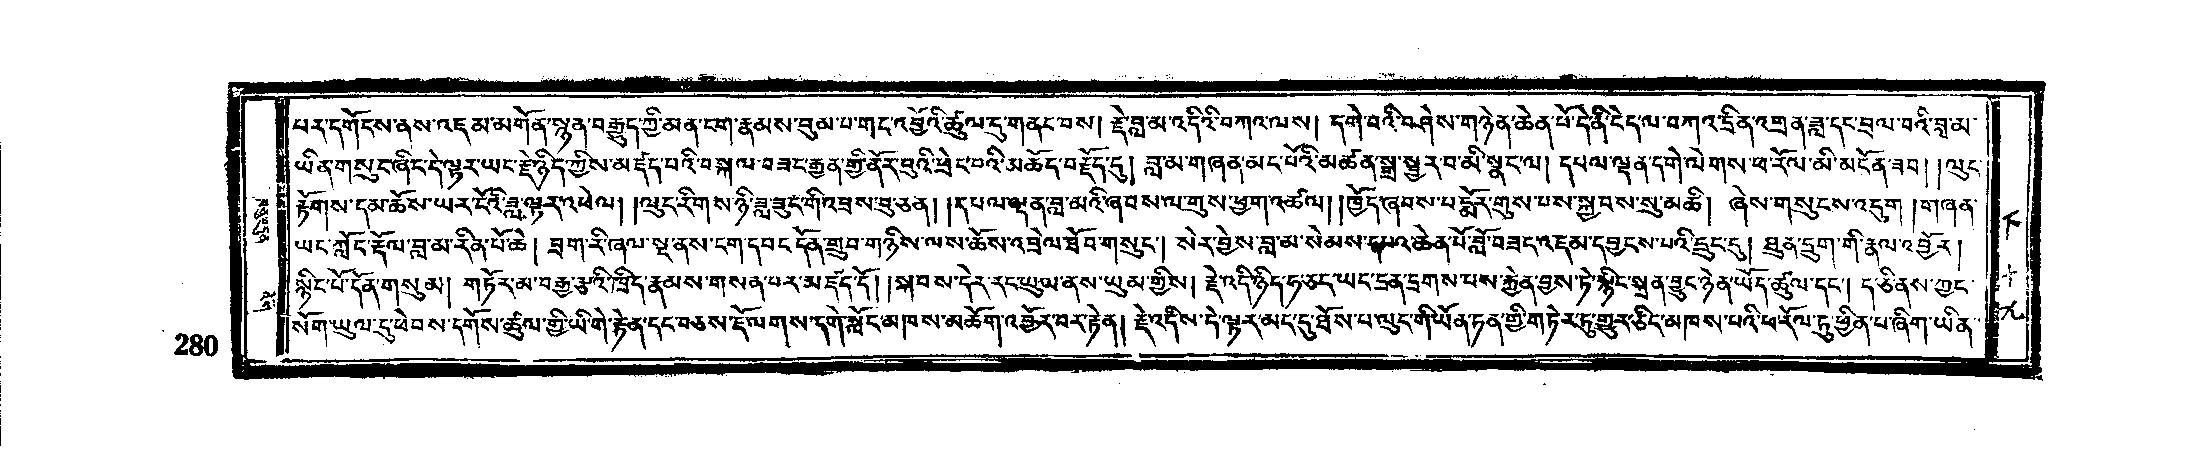པར་དགོངས་ནས་འཇམ་མགོན་སྙན་བརྒྱུད་ཀྱི་མན་ངག་རྣམས་བུམ་པ་གང་འབྱོའི་ཚུལ་དུ་གནང་བས། རྗེ་བླ་མ་འདིའི་བཀའ་ལས། དགེ་བའི་བཤེས་གཉེན་ཆེན་པོ་དེ་ནི་ངེད་ལ་བཀའ་དྲིན་འགྲན་ཟླ་དང་བྲལ་བའི་བླ་མ་
ཡིན་གསུང་ཞིང་དེ་ལྟར་ཡང་རྗེ་ཉིད་ཀྱིས་མཛད་པའི་བསྐལ་བཟང་རྒྱན་གྱི་ནོར་བུའི་ཕྲེང་བའི་མཆོད་བརྗོད་དུ། བླ་མ་གཞན་མང་པོའི་མཚན་སྒྲ་སྦྱར་བ་མི་སྣང་ལ། དཔལ་ལྡན་དགེ་ལེགས་ཕ་རོལ་མི་མངོན་ཟབ། །ལུང་
རྟོགས་དམ་ཆོས་ཡར་ངོའི་ཟླ་ལྟར་འཕེལ། །ལུང་རིགས་ཉི་ཟླ་ཟུང་གི་འབྲས་བུ་ཅན། །དཔལ་ལྡན་བླ་མའི་ཞབས་ལ་གུས་ཕྱག་འཚལ། །ཁྱོད་ཞབས་པདམོར་གུས་པས་སྐྱབས་སུ་མཆི། ཞེས་གསུངས་འདུག །གཞན་
ཡང་ཀློང་རྡོལ་བླ་མ་རིན་པོ་ཆེ། བྲག་རི་ཞལ་སྔ་ནས་ངག་དབང་དོན་གྲུབ་གཉིས་ལས་ཆོས་འབྲེལ་ཐོབ་གསུང་། སེར་བྱེས་བླ་མ་སེམས་དཔའ་ཆེན་པོ་བློ་བཟང་འཇམ་དབྱངས་པའི་དྲུང་དུ། ཐུན་དྲུག་གི་རྣལ་འབྱོར།
སྙིང་པོ་དོན་གསུམ། གཏོར་མ་བརྒྱ་རྩའི་ཁྲིད་རྣམས་གསན་པར་མཛད་དོ། །སྐབས་དེར་རང་ཡུལ་ནས་ཡུམ་གྱིས། རྗེ་འདི་ཉིད་ཧ་ཅང་ཡང་དྲན་དྲགས་པས་རྐྱེན་བྱས་ཏེ་སྙིང་སྐྲན?་བྱུང་ཉེན་ཡོད་ཚུལ་དང་། ད་ཅི་ནས་ཀྱང་
སོག་ཡུལ་དུ་ཕེབས་དགོས་ཚུལ་གྱི་ཡི་གེ་རྟེན་དང་བཅས་ཇོ་ལགས་དགེ་སློང་མཁས་མཆོག་འབྱོར་བར་རྟེན། རྗེ་འདིས་དེ་ལྟར་མང་དུ་ཐོས་པ་ལུང་གི་ཡོན་ཏན་གྱི་གཏེར་ཏུ་གྱུར་ཅིང་མཁས་པའི་ཕ་རོལ་ཏུ་ཕྱིན་པ་ཞིག་ཡིན་